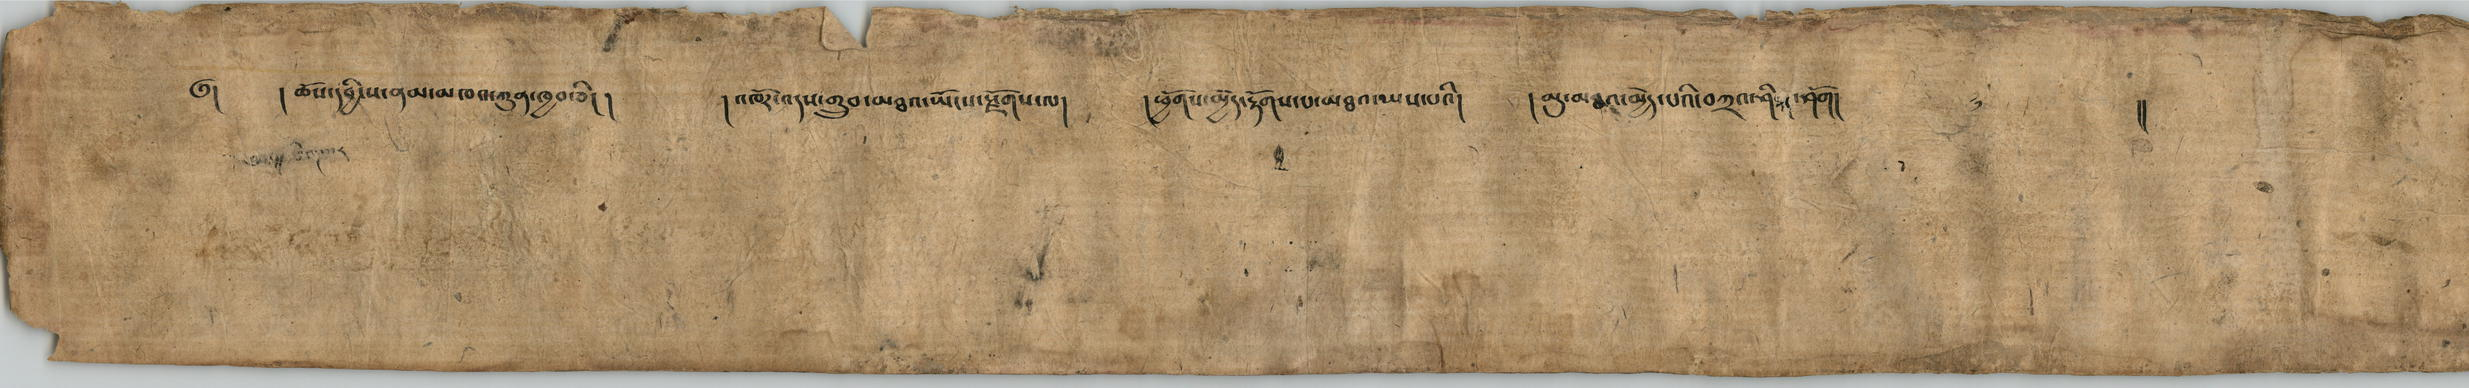།ཆོས་དབྱིངས་ནམ་མཁའ་ཀུན་ཁྱབ་ཅིང། །འཁཽར་འདས་གྲུབ་མཐའ་ཡོངས་སྫོགས་ལ། །ཕྱོགས་མྱེད་རྟོགས་པ་མཐའ་ཡས་པའི། །མུ་མཐའ་མྱེད་པའི་བཀྲའ་ཤིས་ཤོག།